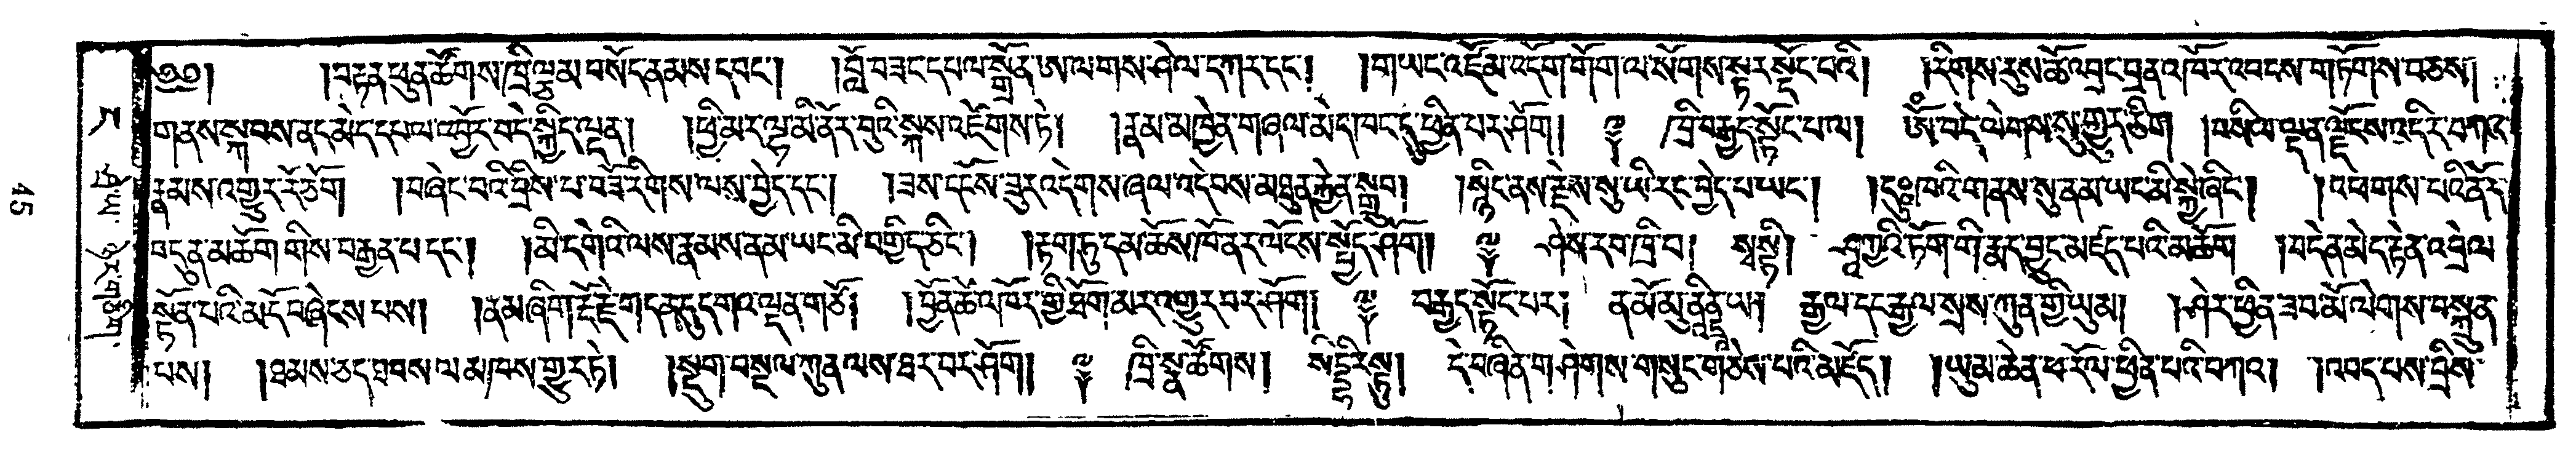༄༅། །བརྟན་ཕུན་ཚོགས་ཁྲི་ལྕམ་བསོད་ནམས་དབང་། །བློ་བཟང་དཔལ་སྒྲོན་ཨ་ལགས་ཤེལ་དཀར་དང་། །གཡང་འཛོམ་འདོག་གོག་ལ་སོགས་སྟར་སྡོང་བའི། །རིགས་རུས་ཆོ་འབྲང་བྲན་འཁོར་འབངས་གཏོགས་བཅས།
གནས་སྐབས་ནད་མེད་དཔལ་འབྱོར་བདེ་སྐྱིད་ལྡན། །ཕྱི་མར་ལྷ་མི་ནོར་བུའི་སྐས་འཛེགས་ཏེ། །རྣམ་མཁྱེན་གཞལ་མེད་ཁང་དུ་ཕྱིན་པར་ཤོག། ༈ ཁྲི་བརྒྱད་སྟོང་པ་ལ། ཨོཾ་བདེ་ལེགས་སུ་གྱུར་ཅིག །བསིལ་ལྡན་ལྗོངས་འདིར་བཀའ་
རྣམས་འགྱུར་རོ་ཅོག །བཞེང་བའི་བྲིས་པ་བཟོ་རིགས་ལས་བྱེད་དང་། །ཟས་དངོས་ཟུར་འདེགས་ཞལ་འདེབས་མཐུན་རྐྱེན་སྒྲུབ། །སྙིང་ནས་རྗེས་སུ་ཡི་རང་བྱེད་པ་ཡང་། །དུཿཁའི་གནས་སུ་ནམ་ཡང་མི་སྐྱེ་ཞིང་། །འཕགས་པའི་ནོར་
བདུན་མཆོག་གིས་བརྒྱན་པ་དང་། །མི་དགེའི་ལས་རྣམས་ནམ་ཡང་མི་བགྱིད་ཅིང་། །རྟག་ཏུ་དམ་ཆོས་ཁོ་ནར་ལོངས་སྤྱོད་ཤོག། ༈ ཤེས་རབ་ཁྲི་བ། སྭ་སྟི། ཤཱཀྱའི་ཏོག་གི་རྨད་བྱུང་མཛད་པའི་མཆོག །བདེན་མེད་རྟེན་འབྲེལ་
སྟོན་པའི་མདོ་བཞེངས་པས། །ནམ་ཞིག་རྡོ་རྗེ་གདན་དུ་དགའ་ལྡན་གཙོ། །བྱོན་ཚེ་འཁོར་གྱི་ཐོག་མར་འགྱུར་བར་ཤོག། ༈ བརྒྱད་སྟོང་པར། ན་མོ་མུ་ནཱིནྡྲ་ཡ། རྒྱལ་དང་རྒྱལ་སྲས་ཀུན་གྱི་ཡུམ། །ཤེར་ཕྱིན་ཟབ་མོ་ལེགས་བསྐྲུན་
པས། །ཐམས་ཅད་ཐབས་ལ་མཁས་གྱུར་ཏེ། །སྡུག་བསྔལ་ཀུན་ལས་ཐར་བར་ཤོག། ༈ ཁྲི་སྣ་ཚོགས། །སིདྡྷིར་སྟུ། དེ་བཞིན་གཤེགས་གསུང་གཅེས་པའི་མཛོད། །ཡུམ་ཆེན་ཕ་རོལ་ཕྱིན་པའི་བཀའ། །འབད་པས་བྲིས་